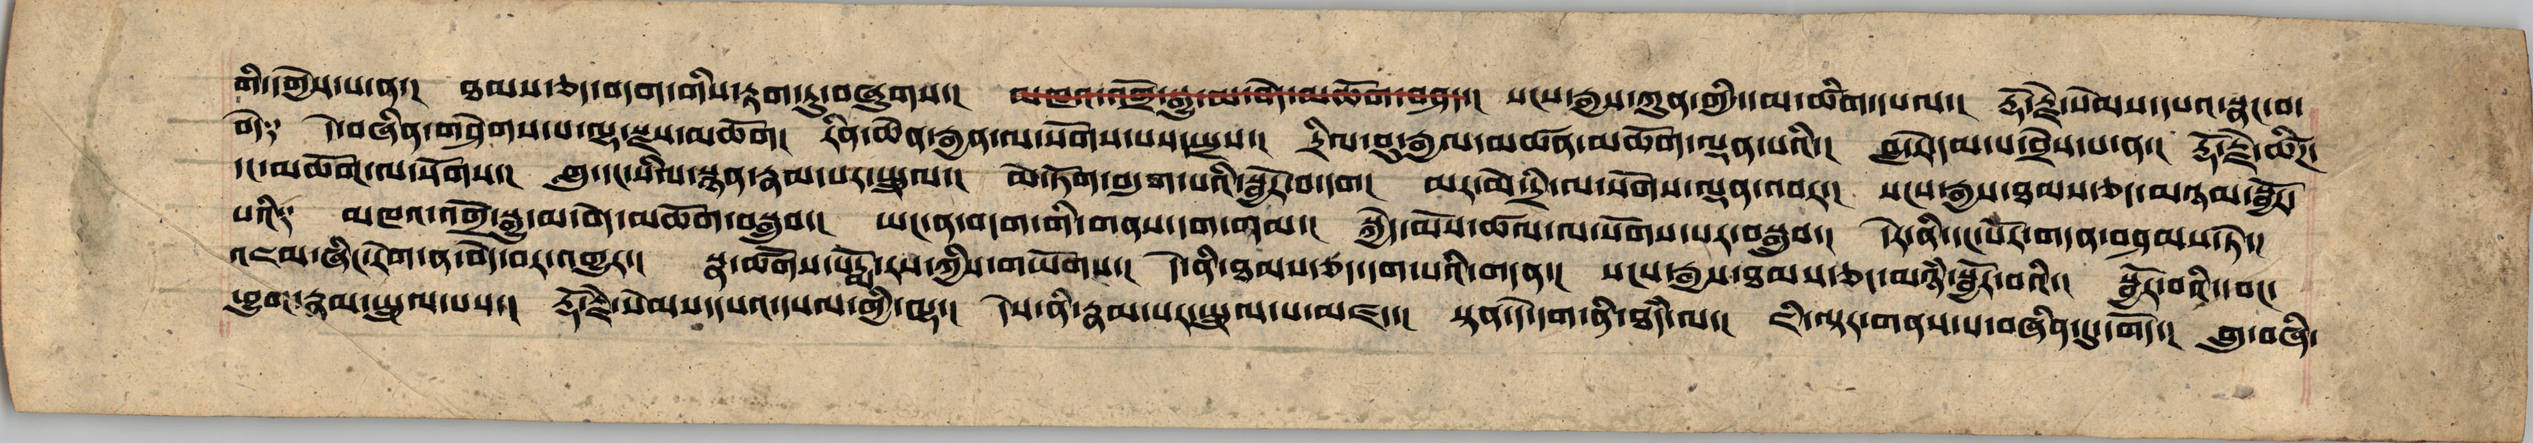གི་དགྱེས་པ་ན་། ཐམས་ཅད་བདག་གིས་རྟག་ཏུ་བཞུགས་། མཁའ་འགྲོ་སྒྱུ་མ་བདེ་མཆོག་བཤད་། སངས་རྒྱས་ཀུན་གྱི་དམ་ཚིག་དཔལ་། རྡོ་རྗེ་སེམས་དཔའ་སྣང་བ་
བདེ༑ དེ་བཞིན་གཤེགས་པ་ལྷ་སྫས་མཆོག། རིན་ཆེན་རྒྱན་ལ་སོགས་པས་སྤྲས་། དྲིལ་བུ་རྒྱལ་མཚན་མཆོག་ལྡན་པའི་། བླ་རེ་དམ་པ་བྲེས་པ་ན་། རྡོ་རྗེ་ཚིཌ་
དང་མཆོག་ལ་སོགས་། གླུ་དང་སིལ་སྙན་རྣམ་པར་སྤྲུལ་། མེ་ཏོག་བདུག་པའི་སྦྱོར་བ་དག། མར་མེ་དྲི་ལ་སོགས་ལྡན་འབར་། སངས་རྒྱས་ཐམས་ཅད་མཉམ་སྦྱོར་
པའི༑ མཁའ་འགྲོ་སྒྱུ་མ་བདེ་མཆོག་བསྒྲུབ་། ཡང་ན་བདག་གི་གནས་དག་གམ་། སྐྱེད་མོས་ཚལ་ལ་སོགས་པར་བསྒྲུབ་། དེར་ནི་དང་པོར་གདན་བཤམས་ཏེ་།
འཇམ་ཞིང་རེག་ན་བདེ་བར་འགྱུར་། སྣ་ཚོགས་པདྨོ་རས་ཀྱིས་གཡོགས་། དེ་ནི་ཐམས་ཅད་དག་པའི་གདན་། སངས་རྒྱས་ཐམས་ཅད་མཉཾ་སྦྱོར་བའི་། སྦྱོར་བའི་དབང་
ཕྱུག་རྣམ་སྤྲུལ་པས་། རྡོ་རྗེ་སེམས་དཔའ་དཔལ་གྱི་ལྷ་། དེས་ནི་རྣམ་པར་སྤྲུལ་པ་མཛད་། སྟན་དེ་དག་ནི་ཐཾད་ལ་། ཇི་ལྟར་གནས་པ་བཞིན་དུ་དགོད་། གྲུ་བཞི་